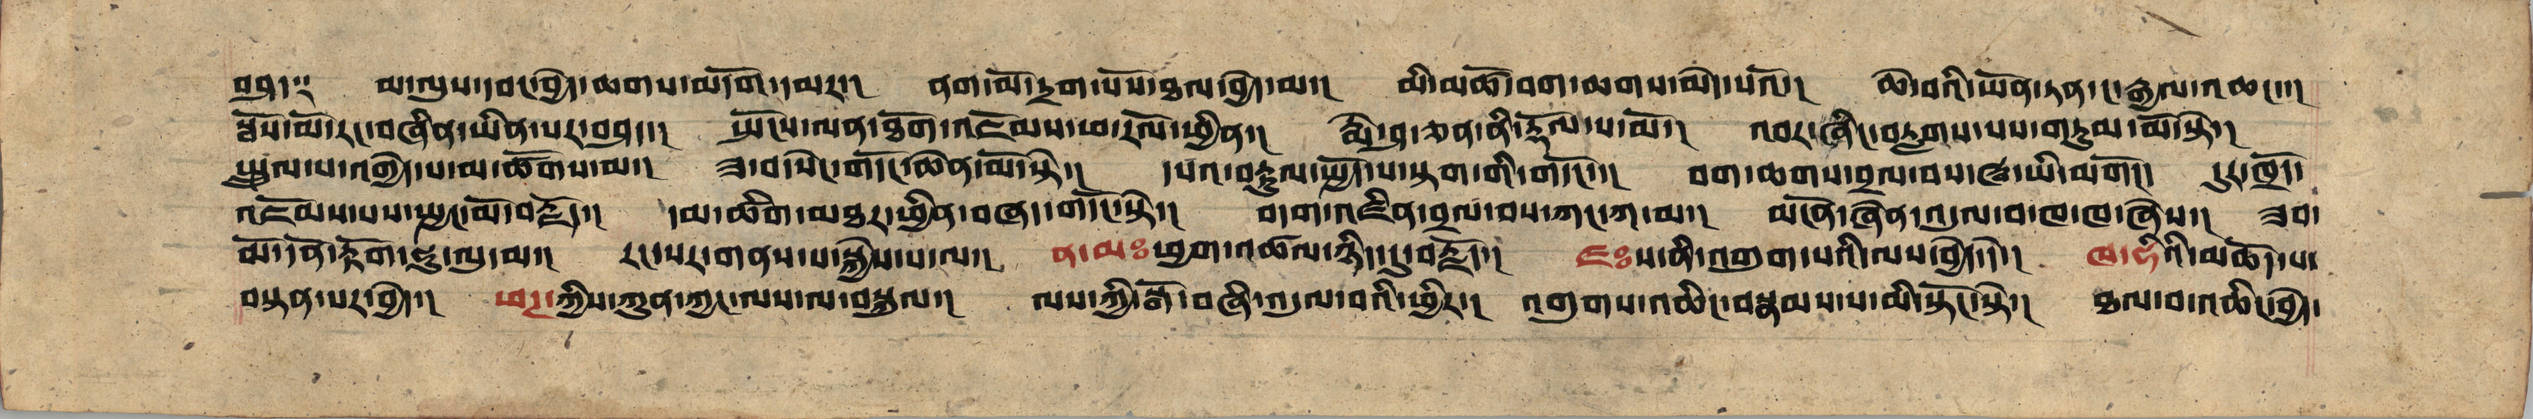བཤད༑ མ་ལུས་དབང་བྱེད་ཆགས་མདོག་དམར་། ནག་མོ་དྲག་པོས་ཐལ་བྱེད་མ་། མི་མཚོ་བག་ཆགས་མེད་པའོ་། ཆེ་བའི་ཡོན་ཏན་ང་རྒྱལ་འཆང་་།
སྦོས་མོ་རང་བཞིན་ཡིན་པར་བཤད་། སྤོངས་ལན་ཐོག་འཇོམས་ཕ་རོལ་ཕྱིན་། རྨེ་ཤ་ཅན་ནི་རྡོལ་པ་མོ་། འབར་ཞིང་བརླགས་པས་གཏུམ་མོ་སྟེ་།
སྤྲུལ་པ་འགྱེད་པ་མ་ཚོགས་མ་། ཟ་བ་སེང་གདོང་ཆེན་མོ་སྟེ་། དཔའ་བརྟུལ་སྤྱོད་པ་སྟག་གི་གདོང་་། བག་ཆགས་བྲལ་བས་ཝ་ཡི་མགོ་། དུར་ཁྲོད་
འཇོམས་པས་སྤྱང་མོ་བརྗོད་། དམ་ཚིག་མཐར་ཕྱིན་བཞད་གདོང་སྟེ་། བདག་འཛིན་བྲལ་བས་ཀང་ཀ་མ་། མངོན་ཞེན་འདུལ་བ་ཁ་ཁ་ཞེས་། ཟབ་
མོ་དོན་རྟོག་ཧུ་ལུ་མ་། རང་སར་གནས་པ་སྐྱེས་པ་ལ་། ན་མཿཕྱག་འཚལ་ཉིད་དུ་བརྗོད་། ཛཿ་ས་ནི་འགུག་པའི་ལས་བྱེད་དེ་། ཁ་ཧིའི་མཆོད་པ་
བསྟན་པར་བྱེད་། ཕཊ་ཀྱིས་ཀུན་ཀྱང་ལས་ལ་བསྐུལ་། ལས་ཀྱི་སྒོ་བཞི་འདུལ་བའི་ཕྱིར་། འགུགས་འཆིང་བསྣམས་པ་མི་སྟོང་སྟེ་། ཐལ་བ་འཆིང་བྱེད་